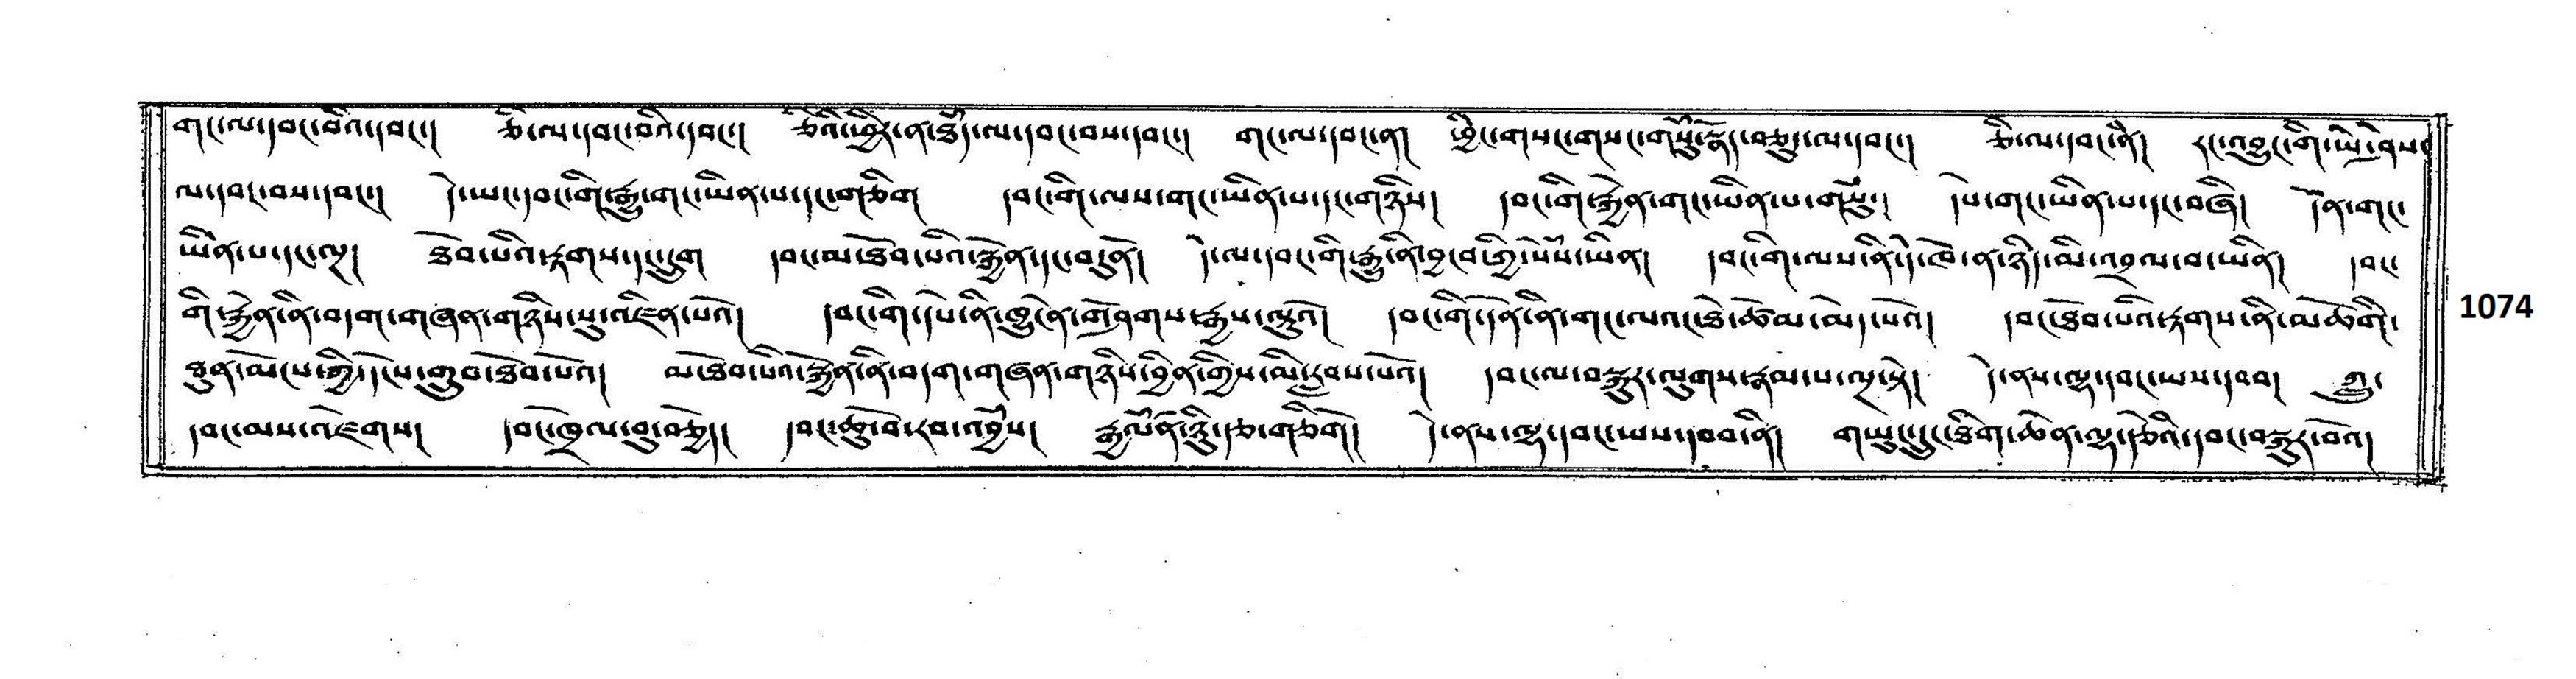གང་ལ་དབང་བའི་དབང་། ཅི་ལ་དབང་བའི་དབང་། ཅིའི་ཕྱིར་ན་ཐམས་ཅད་ལ་དབང་བས་དབང་། གང་ལ་དབང་ན། ཕྱི་ནང་གསང་གསུམ་སྣོད་བཅུད་ལ་དབང་། ཅི་ལ་དབང་ནི། རང་འབྱུང་གི་ཡེ་ཤེས་
ལ་དབང་བས་དབང་། དེ་ཡང་དབང་གི་རྒྱུ་གང་ཡིན་པ་དང་གཅིག དབང་གི་ལས་གང་ཡིན་པ་དང་གཉིས། དབང་གི་རྐྱེན་གང་ཡིན་པ་གསུམ། དཔེ་གང་ཡིན་པ་དང་བཞི། དོན་གང་
ཡིན་པ་དང་ལྔ། ཐོབ་པའི་རྟགས་དང་དྲུག དབང་མ་ཐོབ་པའི་སྐྱོན་དང་བདུན་ནོ། དེ་ལ་དབང་གི་རྒྱུ་ནི་བྱང་ཆུབ་ཀྱི་སེམས་ཡིན། དབང་གི་ལས་ནི་དེ་ཁོ་ན་ཉིད་མི་འབྲལ་བ་ཡིན། དབང་
གི་རྐྱེན་ནི་བདག་གཞན་གཉིས་སུ་འཛིན་པའོ། དབང་གི་དཔེ་ནི་ཁྱུང་ཆེན་གཤོགས་རྒྱས་ལྟ་བུའོ། དབང་གི་དོན་ནི་གང་ལའང་ཐེ་ཚོམ་མེད་པའོ། དབང་ཐོབ་པའི་རྟགས་ནི་མཆོག་གི་
ཐུན་མོངས་ཀྱི་དངོས་གྲུབ་ཐོབ་པའོ། མ་ཐོབ་པའི་སྐྱོན་ནི་བདག་གཞན་གཉིས་བྱིན་གྱིས་མི་བརླབས་པའོ། དབང་ལ་བསྐུར་ལུགས་རྣམ་པ་ལྔ་སྟེ། དེ་ནས་ལྷ་དབང་ཡས་དབབ། ཀླུ་
དབང་མས་འཛེགས། དབང་ཁྲོལ་བུ་བཅོ་བརྒྱད། དབང་ཆུ་བོ་རབ་འབྱམས། རྒྱལ་མཚན་ཉི་ཤུ་རྩ་གཅིག་གོ དེ་ནས་ལྷ་དབང་ཡས་དབབ་ནི། གཡུང་དྲུང་ཐིག་ཆེན་ལྷ་རྩེའི་དབང་བསྐུར་བའོ།